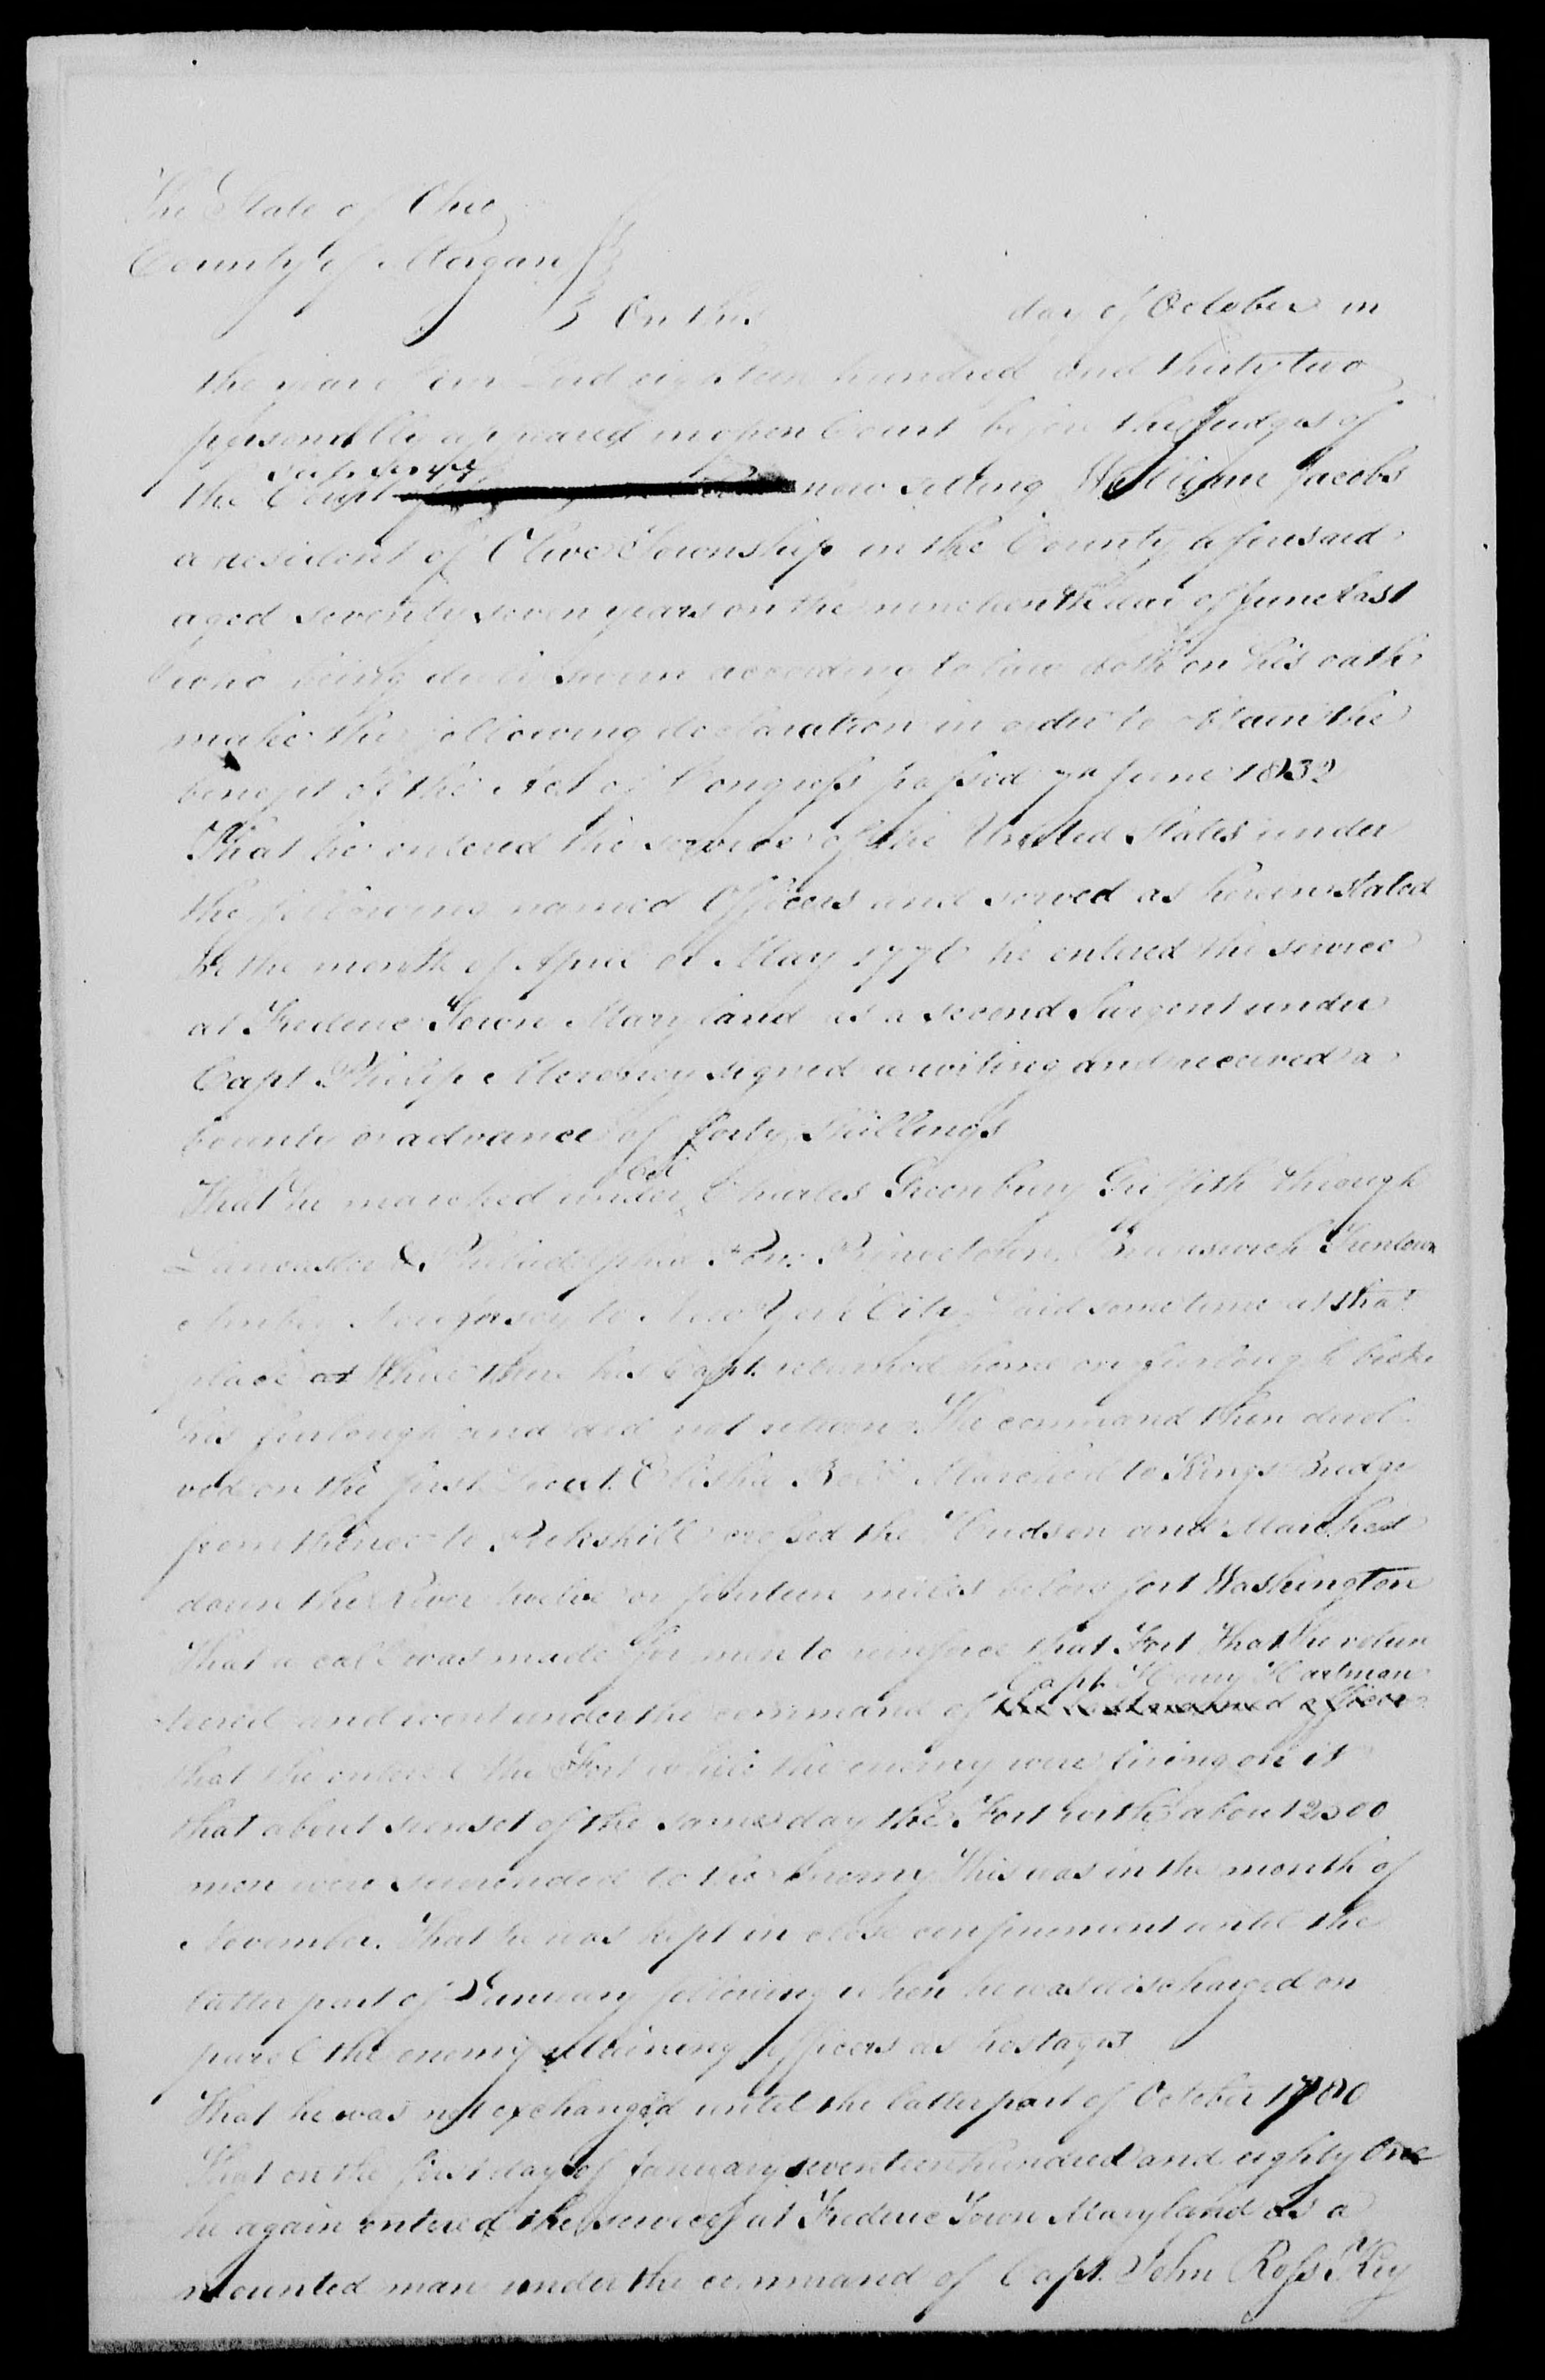The State of Ohio }
County of Morgan } Ss

On this day of October in 
the year of our Lord eighteen hundred and thirty two 
personally appeared in open Court before the Judges of 
the eight [words struck out] [illegible] now sitting William Jacobs 
a resident of Olive Township in the County aforesaid 
aged seventy seven years on the nineteenth day of June last 
who being duly sworn according to law doth on his oath 
make the following declaration in order to obtain the 
benefit of the act of Congress passed 7th June 1832 
That he entered the service of the United States under 
the following named officers and served as herein stated 
In the month of April or May 1776 he entered the service 
at Frederic Town Maryland as a second Sargeant [Sergeant] under 
Capt. Philip Maroney signed a [illegible] and received a 
bounty or advance of forty shillings.

That he marched under Col. Thomas Greenbury Griffith through 
Lancaster & Philadelphia and Princeton then march Trenton 
Amboy New Jersey to New York City laid some time at that 
place at there when his Capt. returned home on furlough broke 
his furlough and did not return.  The command then devol
ved on the first Lieut. Elisha Bell. Marched to Kings Bridge 
from thence to Peekskill crossed the Hudson and marched 
down the river twelve or fourteen miles below fort Washington 
That a call was made for men to reinforce that Fort That he return 
[illegible] and went under the command of [words struck out} Capt. Henry Hartman 
that he entered the Fort while the enemy were firing on it 
that about sunset of the same day the Fort with about 2500 
men were surrendered to the enemy.  This was in the month of 
November.  That he was kept in close confinement until the 
latter part of January following when he was discharged on 
[illegible] the enemy [illegible] officers as hostages. 
That he was not exchanged until the latter part of October 1780. 
That on the first day of January seventeen hundred and eighty one 
he again entered the service at Frederic Town Maryland as a 
mounted man under the command of Capt. John Ross Key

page: 8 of 23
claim: survivor's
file: S. 2289, for William Jacobs, Maryland